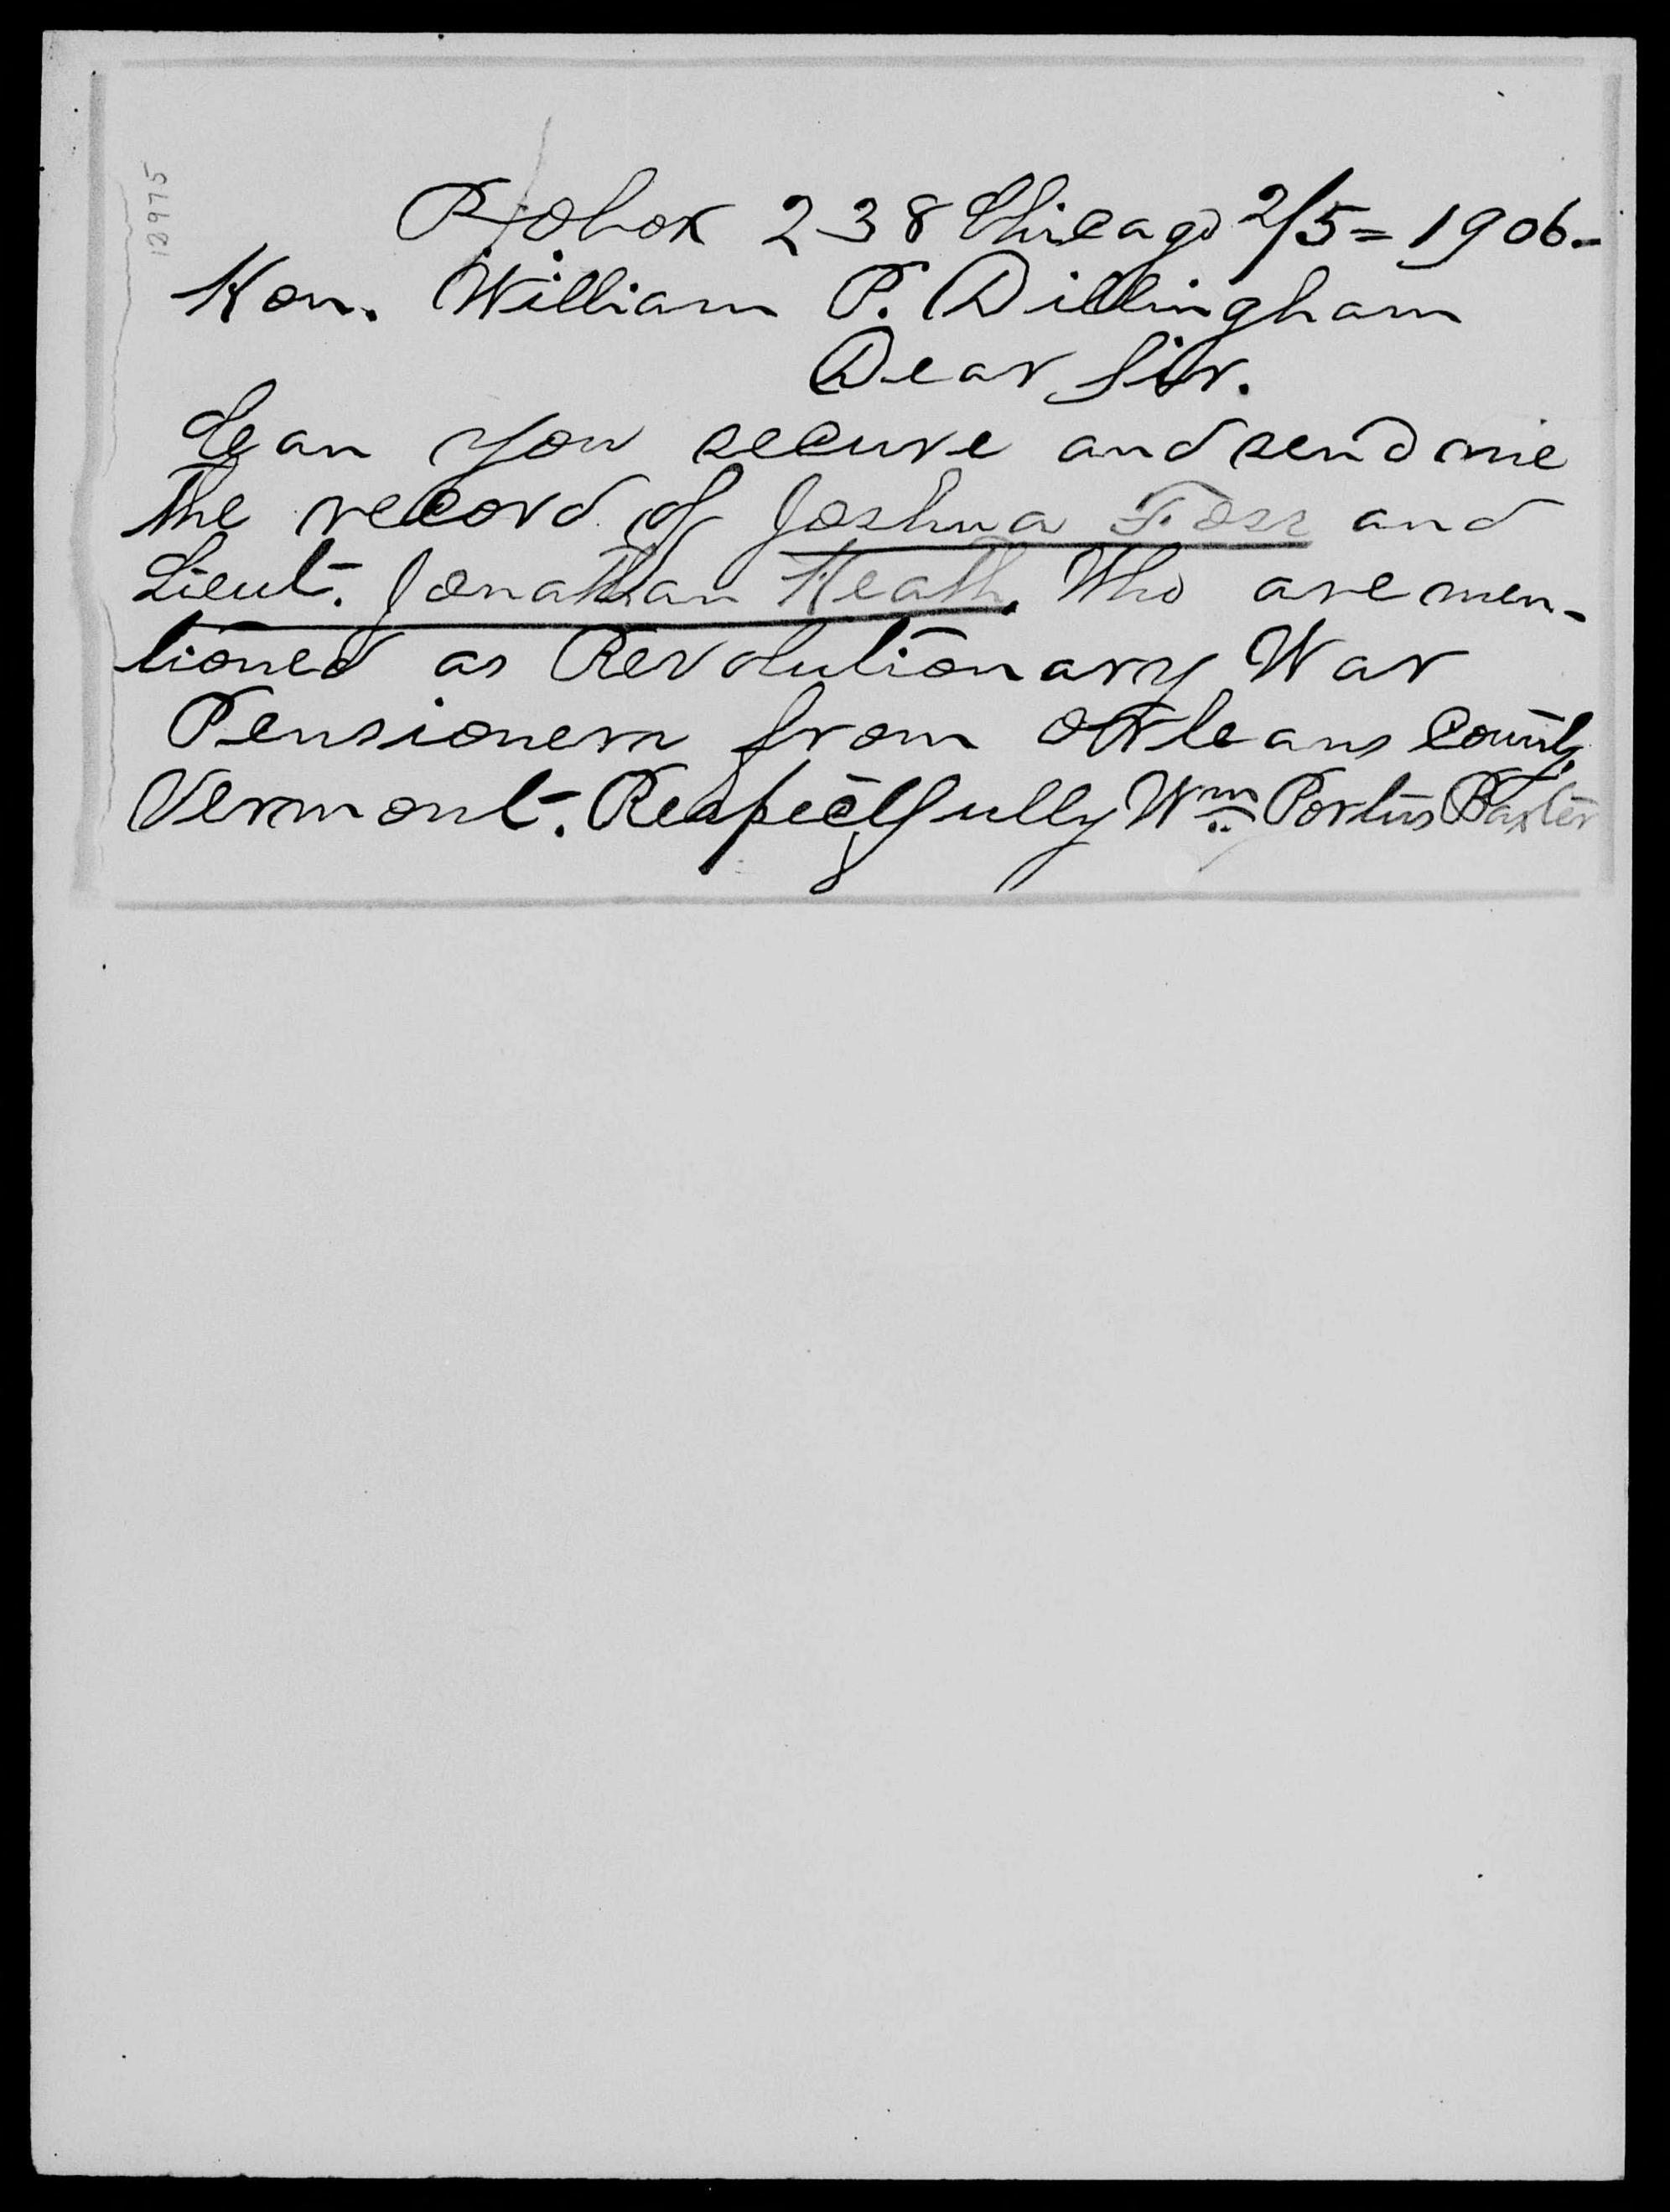Rolox 238 Chilag 2/5=1909-
Hon. William P. Dillingham

Dear Sir.
Can you secure and send me the record of Joshua Foss and Lieut. Jonathan Heath who are mentioned as Revolutionary War Pensioner from Orleans County, Vermont. 
Respectfully Wm Portus Barter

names: Joshua Foss, Wm Portus Baxter, William P Dillingham, Jonathan Heath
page: 16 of 22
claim: survivor's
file: S. 38821, Jonathan Heath, Continental N.H.